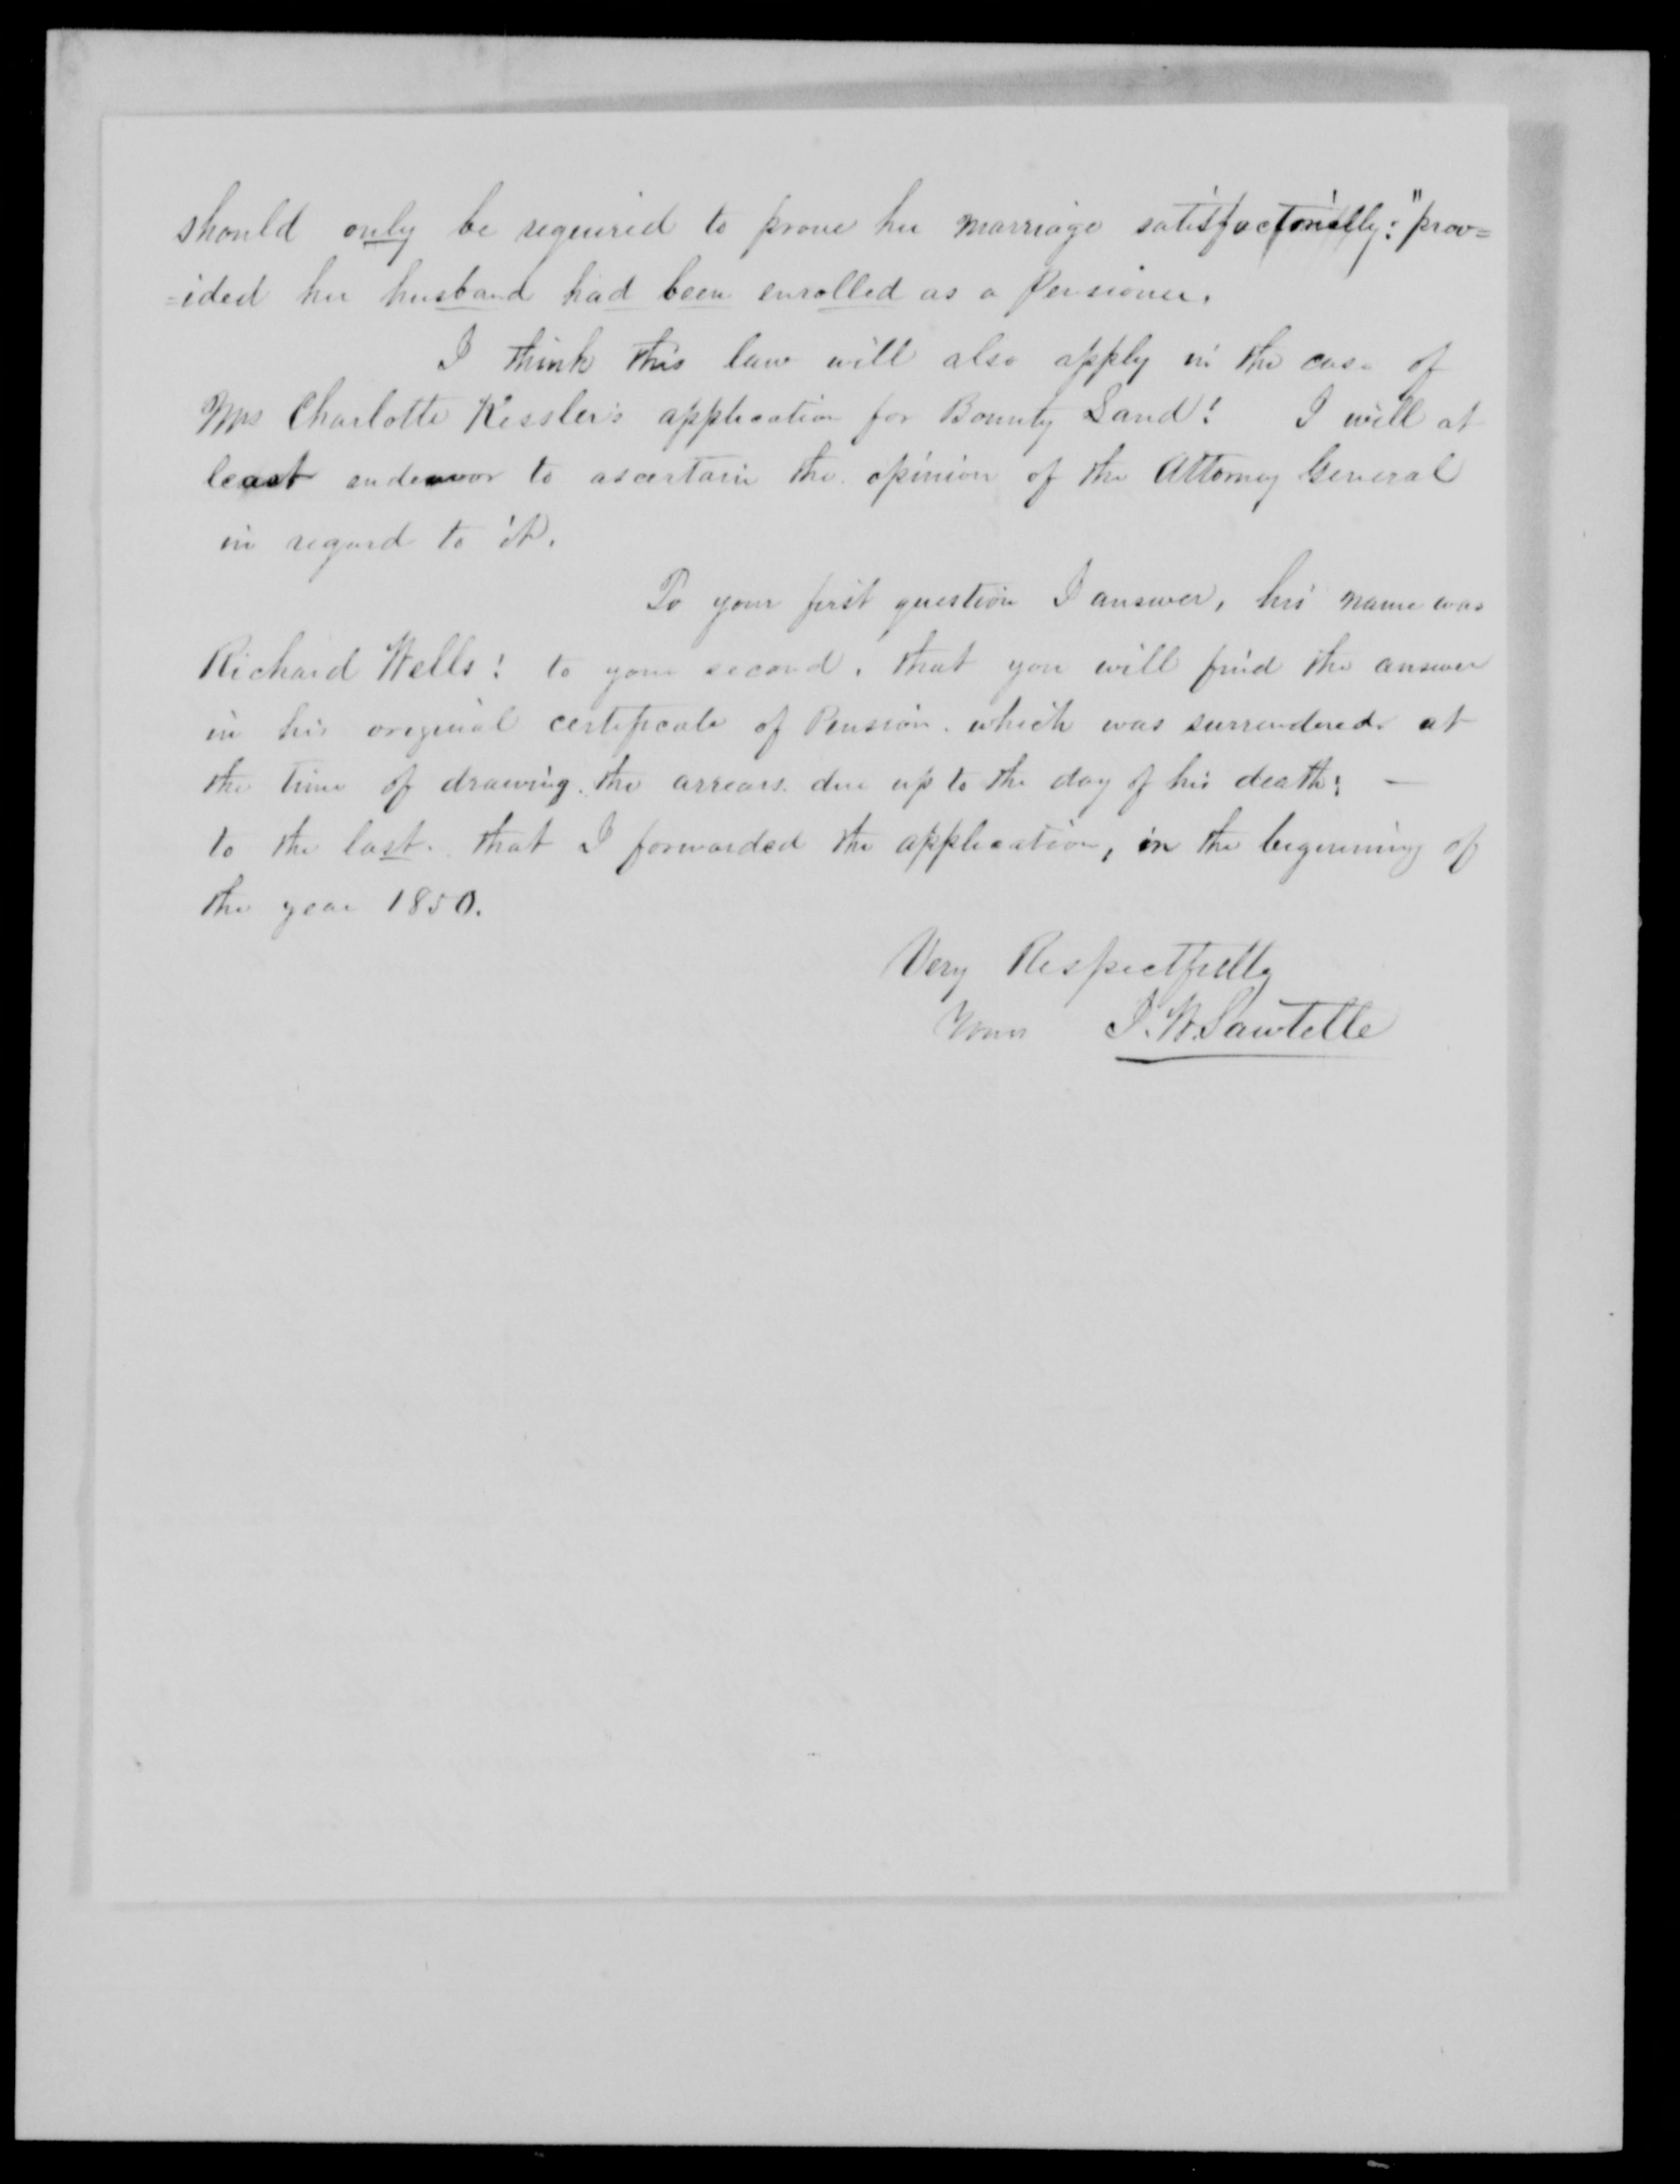should only be required to prove her marriage satisfactorially : provided her ( husband had been enrolled as a Pensioner ) ( underscored ) . I think this law will also apply in the case of Mrs. Charlotte Kessler's application for Bounty Land ! I will at least endeavor to ascertain the opinion of the Attorney General in regard to it.   To your first question  I answer , his name was Richard Wells ; to your second , that you will find the answer in his original Certificate of Pension which was surrendered at the time of drawing the arrears due up to the day of his death ; to the last , that I forwarded the application , in the beginning of the year 1850. Very Respectfully  Yours  J. W. Sawtelle ( signed )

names: Charlotte Kessler, Richard Wells, J W Sawtelle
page: 44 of 100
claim: widow's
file: W. 6437, Richard Wells, Ga Va.